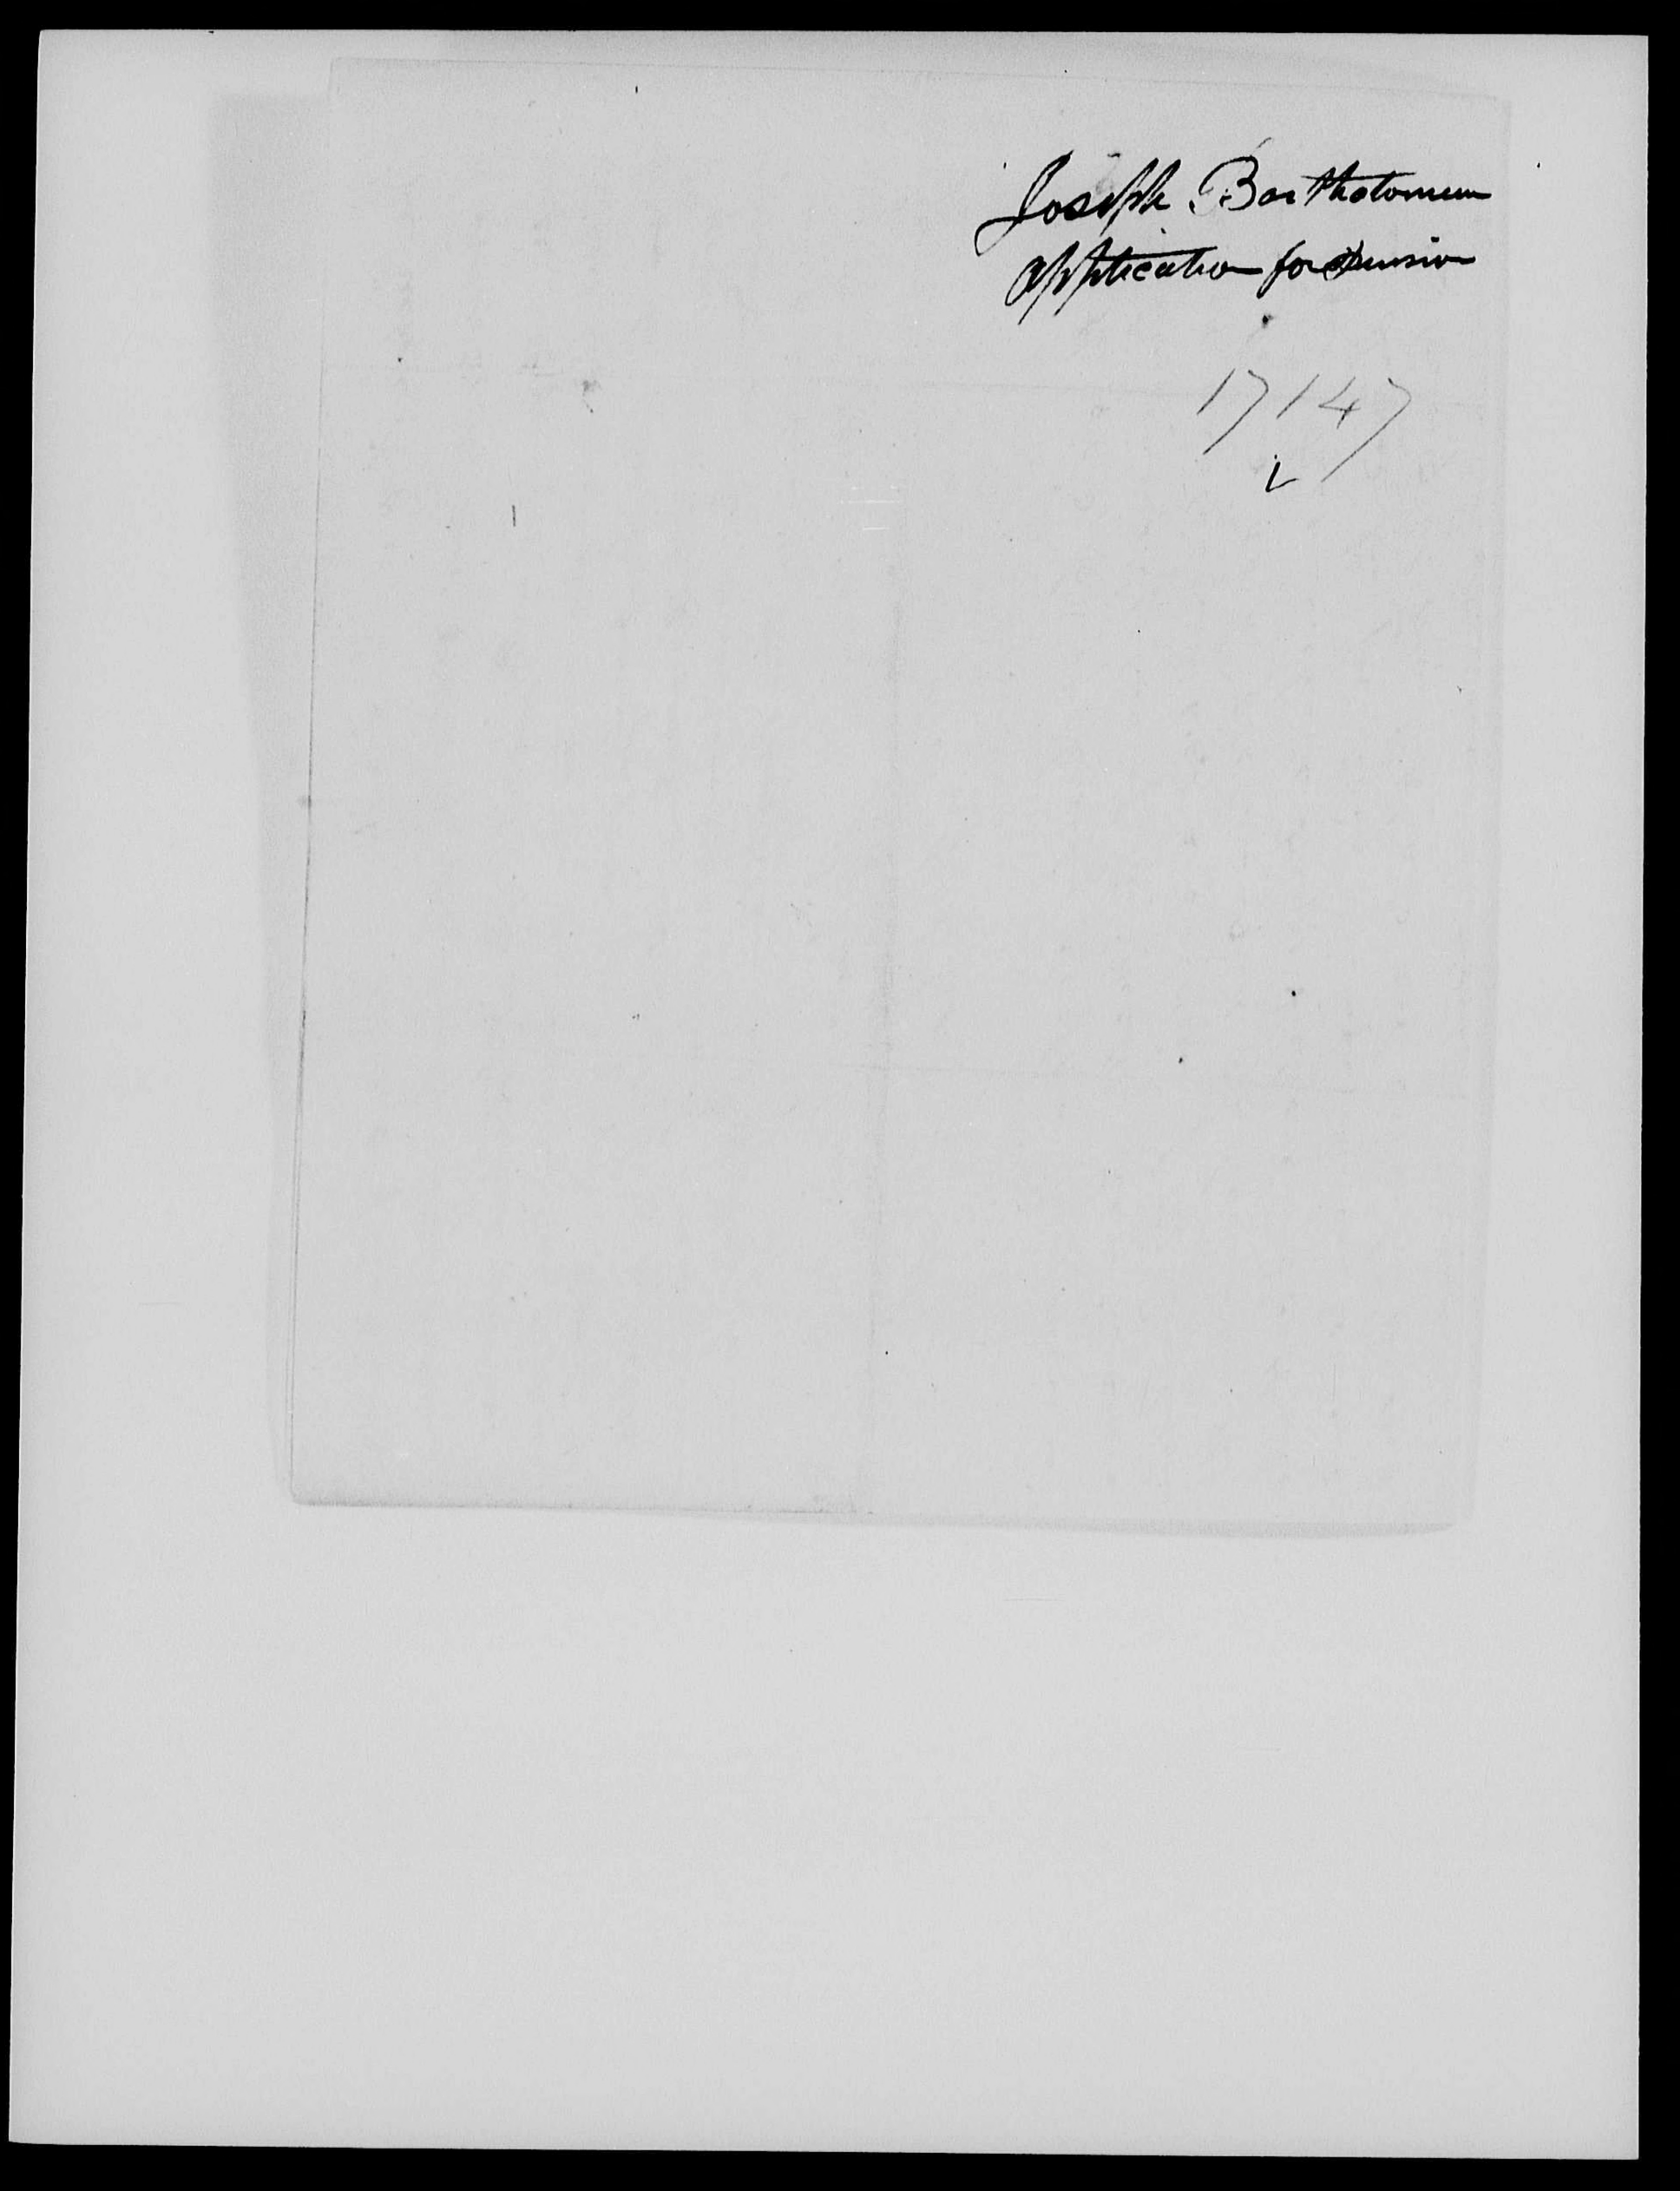Joseph Bartholomew
Application for Pension

17147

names: Joseph Bartholomew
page: 8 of 76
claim: widow's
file: W. 9345, Joseph Bartholomew, Conn.